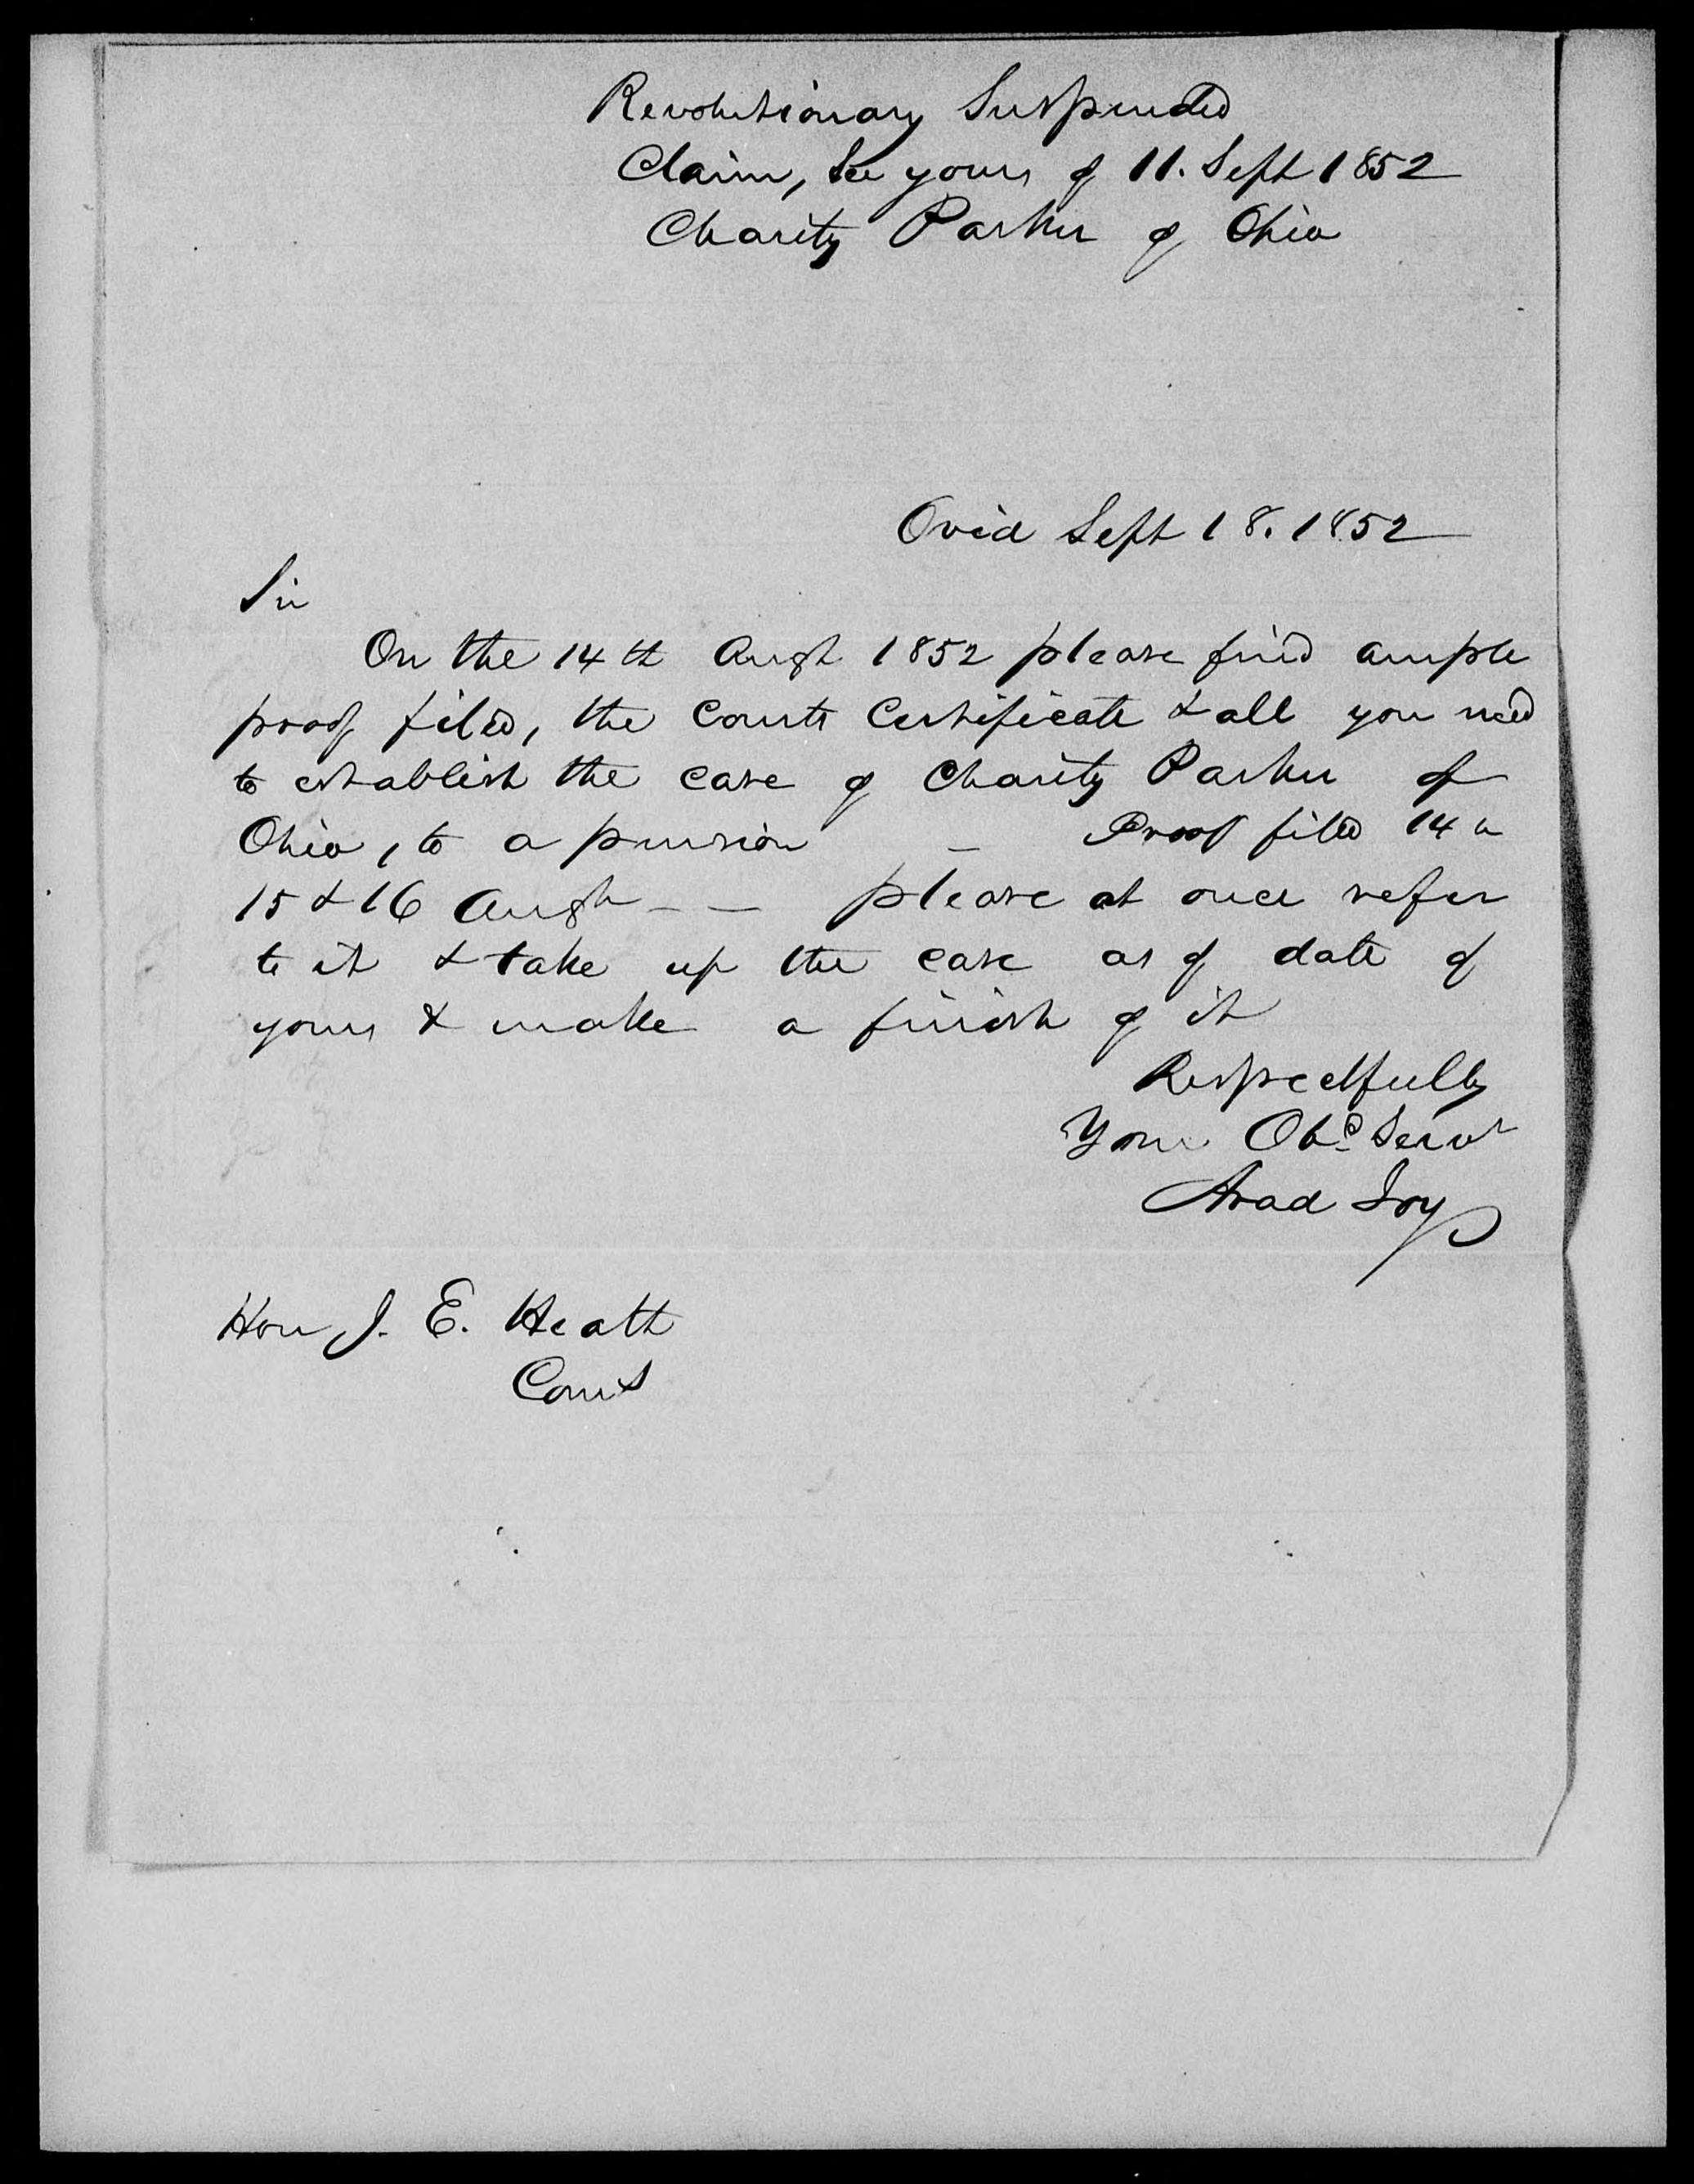Revolutionary Suspended
Claim, see your of 11. Sept 1852
Charity Parker of Ohio

Ovid Seppt 18, 1852
Sir
On the 14th April 1852 please find ample proof filed, the court certificate & all you need to establish the case of Charity Parker of Ohio, to a pension. Proof filed 14 & 15 & 16 April. Please at once refer to it & take up the case as of date of yours & make a finish of it.
Respectfully
Your Obd. Servt.
//s// Arad Joy

Hon J. E. Heath
Coms.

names: J E Heath; Arad Joy; Charity Parker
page: 26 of 40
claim: widow's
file: W. 3,588, for John Parker, Pennsylvania